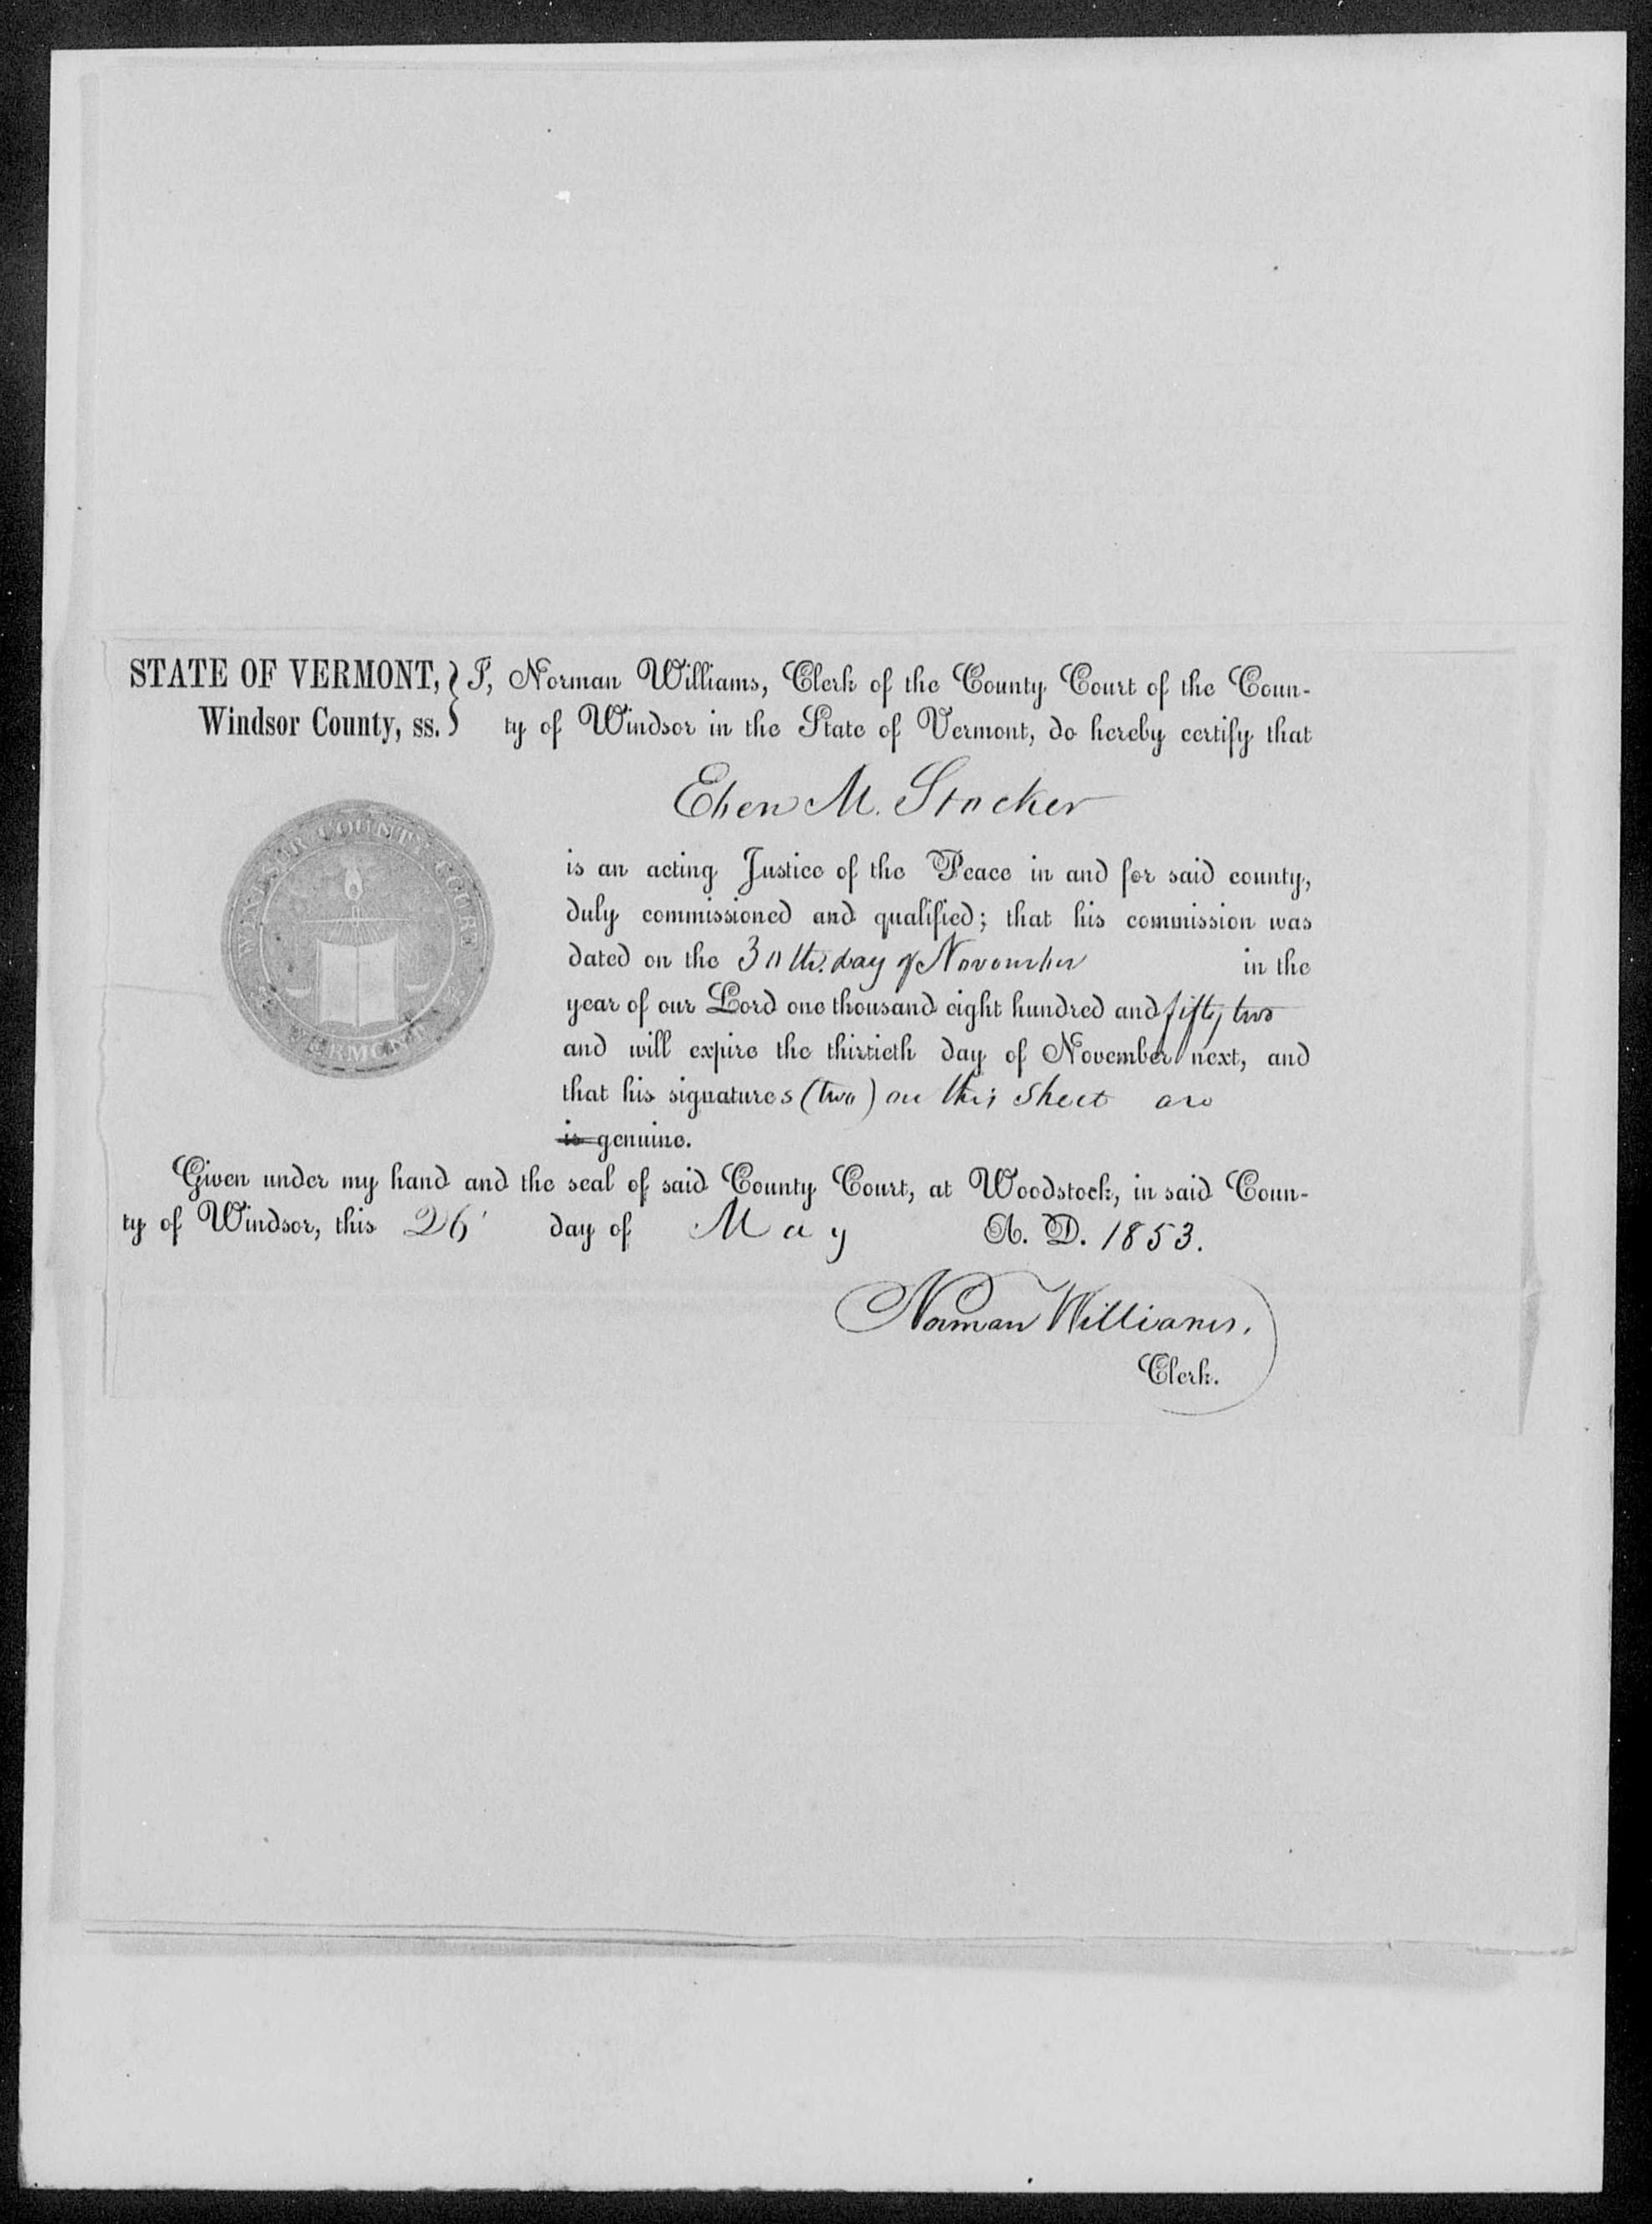STATE OF VERMONT, }
Windsor County, ss. } I, Norman Williams, Clerk of the County Court of the County of Windsor in the State of Vermont, do hereby certify that
[handwritten: Eben M. Stocker]

[round stamp. outer line: WINDSOR COUNTY COURT VERMONT. graphic in the center]

is an acting Justice of the Peace in and for said county, duly commissioned and qualified; that his commission was dated on the [handwritten: 30th day of November] in the year of our Lord one thousand eight hundred and [handwritten: fifty two]
and will expire the thirtieth day of November next, and that his signatures [the ending "s" was added by hand] [handwritten: (two) on this sheet are] [crossed out: is] genuine.

Given under my hand and the seal of said County Court, at Woodstock, in said County of Windsor, this [handwritten: 26]
day of [handwritten: May] A. D. [handwritten: 1853.]

[handwritten: Norman Williams]
Clerk.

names: Norman Williams, Norman Williams, Eben M Stocker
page: 20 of 47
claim: widow's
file: W. 225, Gilbert Hatch, Conn.